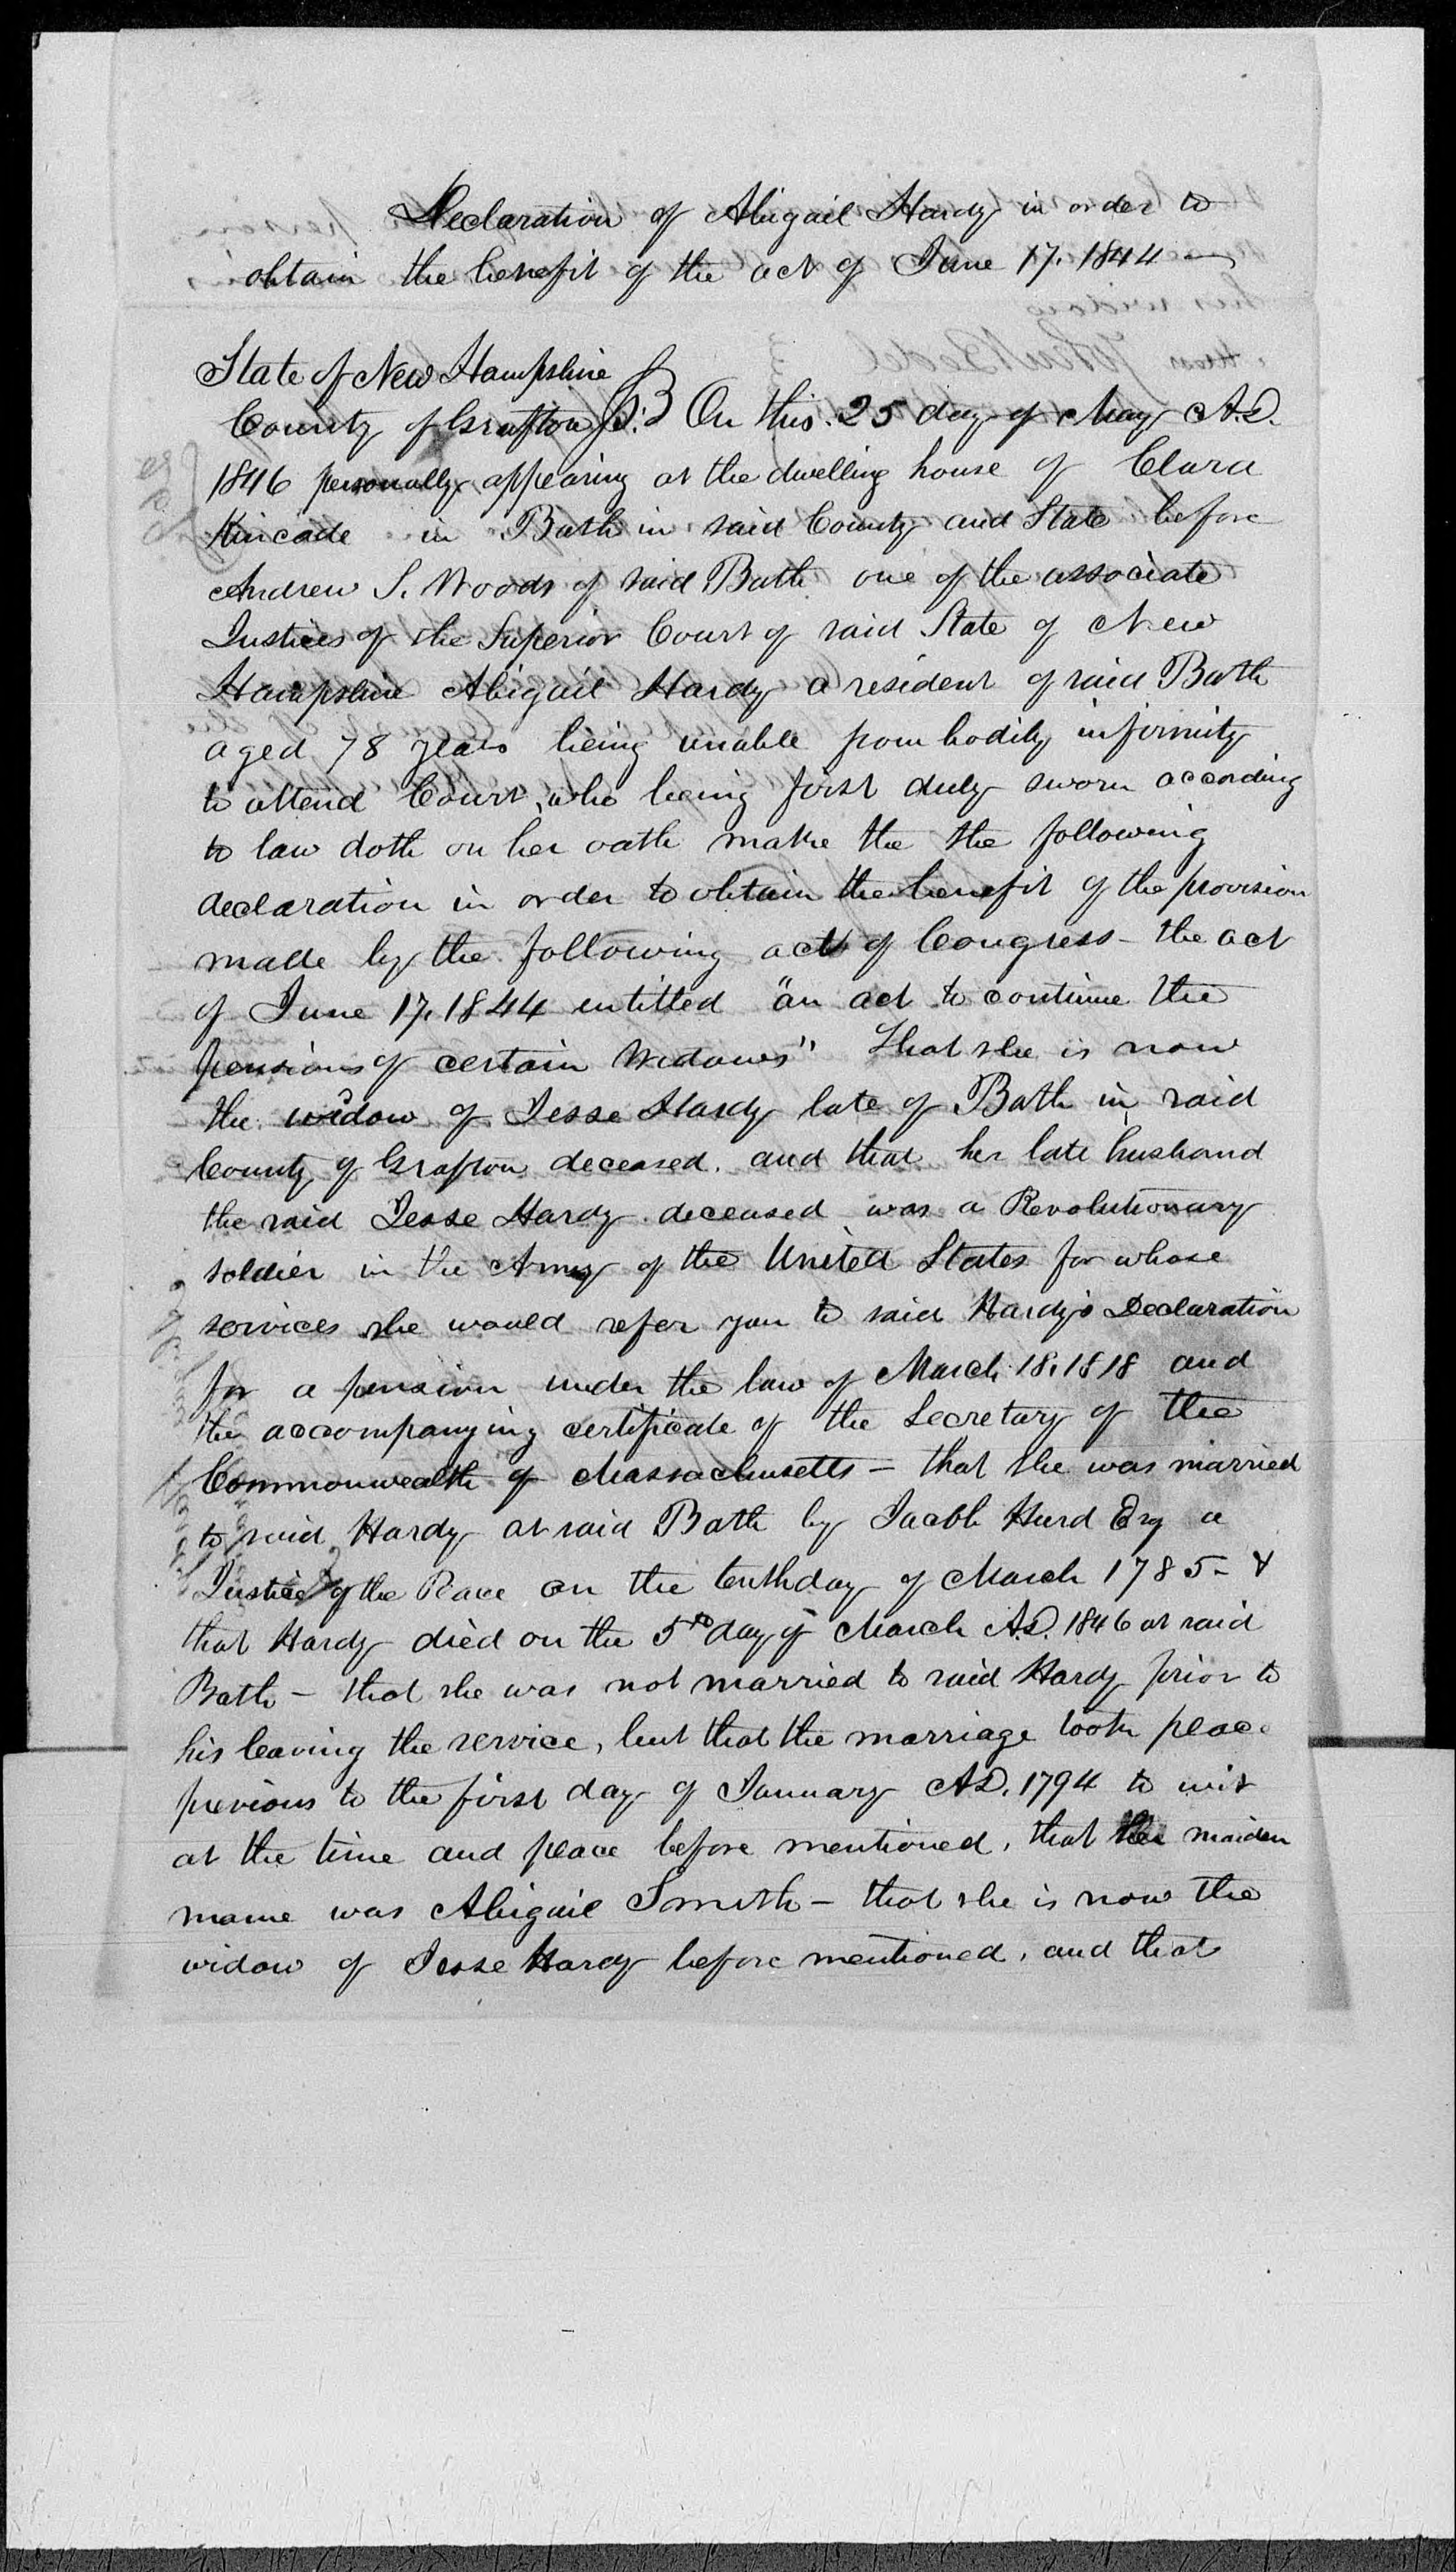Declaration of Abigail Hardy in order to the obtain the benefit of the act of June 17, 1844
State of New Hampshire County of Grafton Ss
On this 25 day of May A.D. 1846 personally appearing at the dwelling house of Clara Kincade in Bath in said County and State before Andrew S. Woods of said Bath one of the associate Justices of the Superior Court of said State of New Hampshire Abigail Hardy a resident of said Bath aged 78 years being unable from bodily infirmity to attend Court, who being first duly sworn according to law doth on her oath make the the following declaration in order to obtain the benefit of the provision made by the following act of Congress-- the act of June 17, 1844 entitled "an act to continue the pensions of certain Widows"" That she is now the widow of Jesse Hardy late of Bath in said County of Grafton deceased and that her late husband the said Jesse Hardy deceased was a Revolutionary soldier in the Army of the United States for whose services she would refer you to said Hardy's Declaration for a pension, under the law of March 18, 1818 and the accompanying certificate of the Secretary of the Commonwealth of Massachusetts - that she was married to said Hardy at said Bath by Jacob Hurd Esq a Justice of the Peace on the tenth day of March 1785 & that Hardy died on the 5th day of March A.D. 1846 at said Bath-- that she was not married to said Hardy prior to his leaving the service, but that the marriage took place previous to the first day of January A.D. 1794 to wit at the time and place before mentioned, that he maiden name was Abigail Smith - that she is now the widow of Jesse Hardy before mentioned, and that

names: Jesse Hardy, Jesse Hardy, Abigail Hardy, Abigail Hardy, Jacob Hurd, Abigail Smith, Andrew S Woods, Jesse Hardy, Hardy, Hardy, Hardy, Clara Kincade, Hardy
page: 13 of 67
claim: widow's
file: W. 23183, Jesse Hardy, Mass.